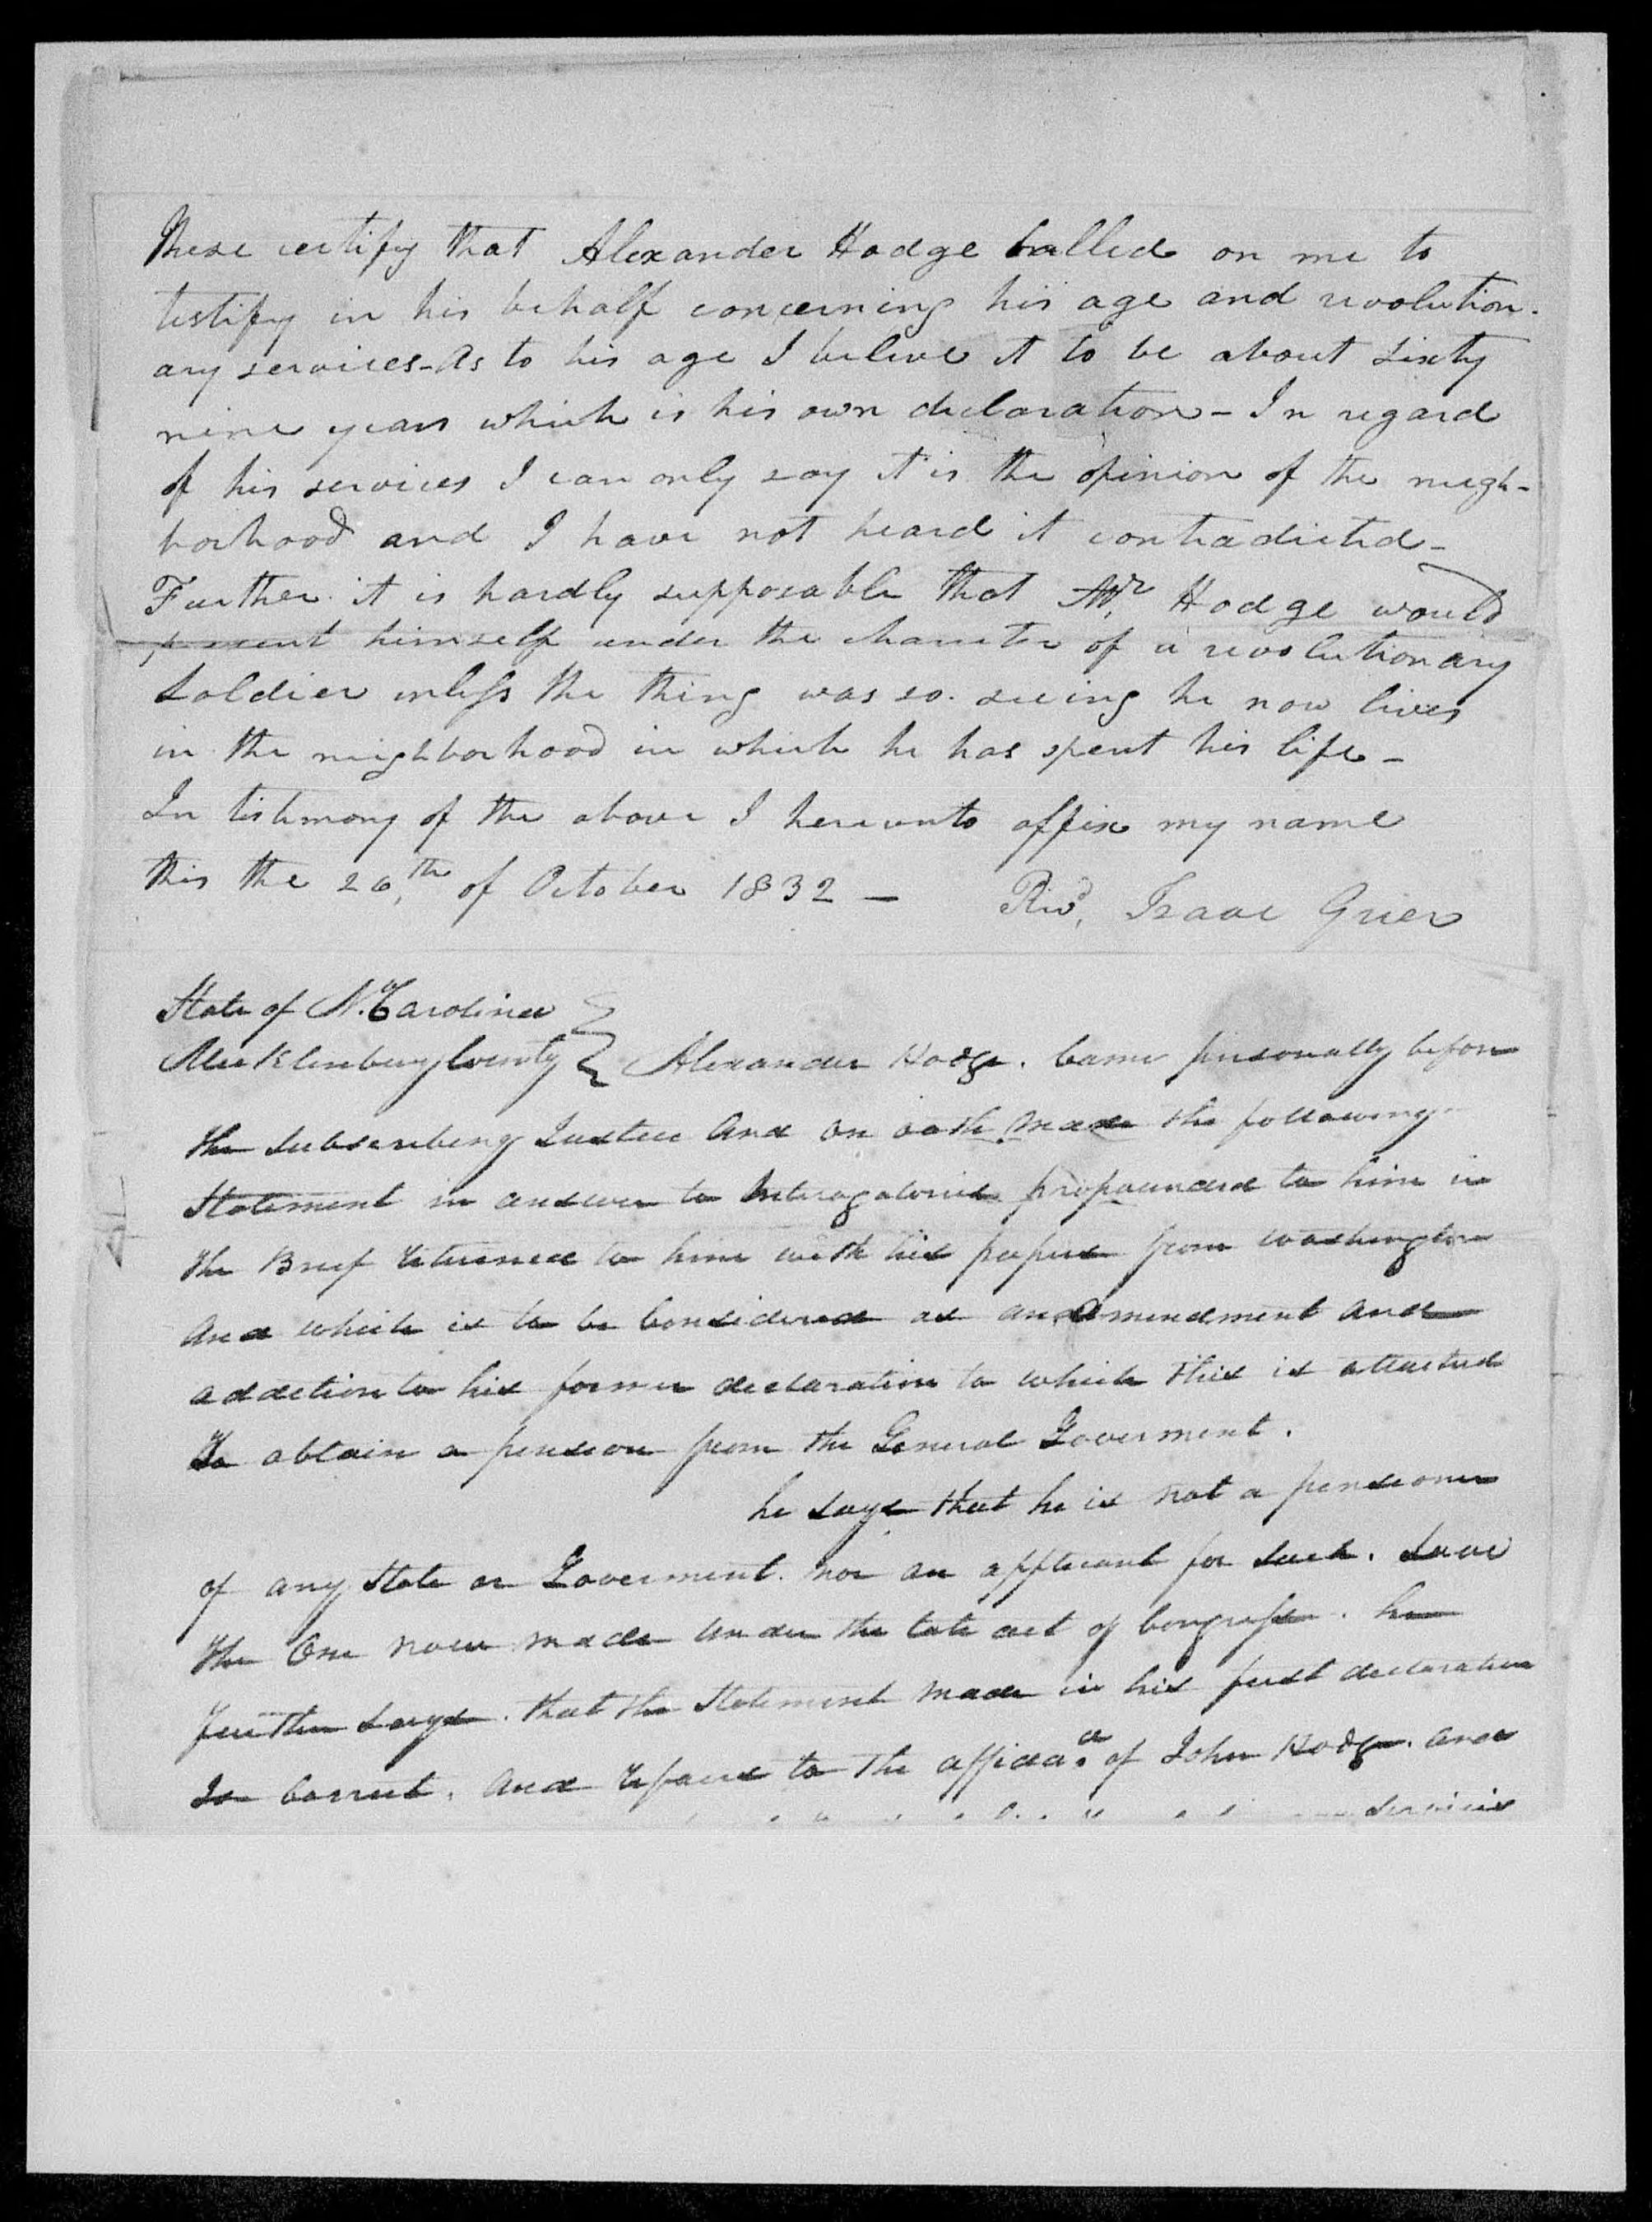These certify that Alexander Hodge called on me to testify in his behalf concerning his age and revolutionary services.  As to his age I believe it to be about sixty nine years which is his own declaration _ In regard of his services I can only say it is the opinion of the neighborhood and I have not heard it contradicted.
Further it is hardly supposable that Mr. Hodge would present himself under the character of a revolutionary soldier unless the thing was so. Seeing he now lives in the neighborhood in which he has spent his life.
In testimony of the above I hereunto offer my name this the 26th of October 1832 – Revd Isaac Green

State of N Carolina}
Mechlenburg County}
Alexander Hodge came personally before the subscribing Justice and an oath made the following Statement in answer to interogatories (sic) propounded to him in the Brief witnesses to him with his papers from washington (sic) and while is to be considered as an amendment and addition to his former declaration to which this is attested to obtain a pension from the General Government.
He says that he is not a pensioner of any state or government nor an applicant for such. Save the one now made under the late act of Congress. He further says that the statement made in his first declaration is correct and refers to the afficea (sic) a of John Hodge and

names: Alexander Hodge, Isaac Green, Hodge, Alexander Hodge, John Hodge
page: 11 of 14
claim: survivor's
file: S. 8737, Alexander Hodge, N.C.